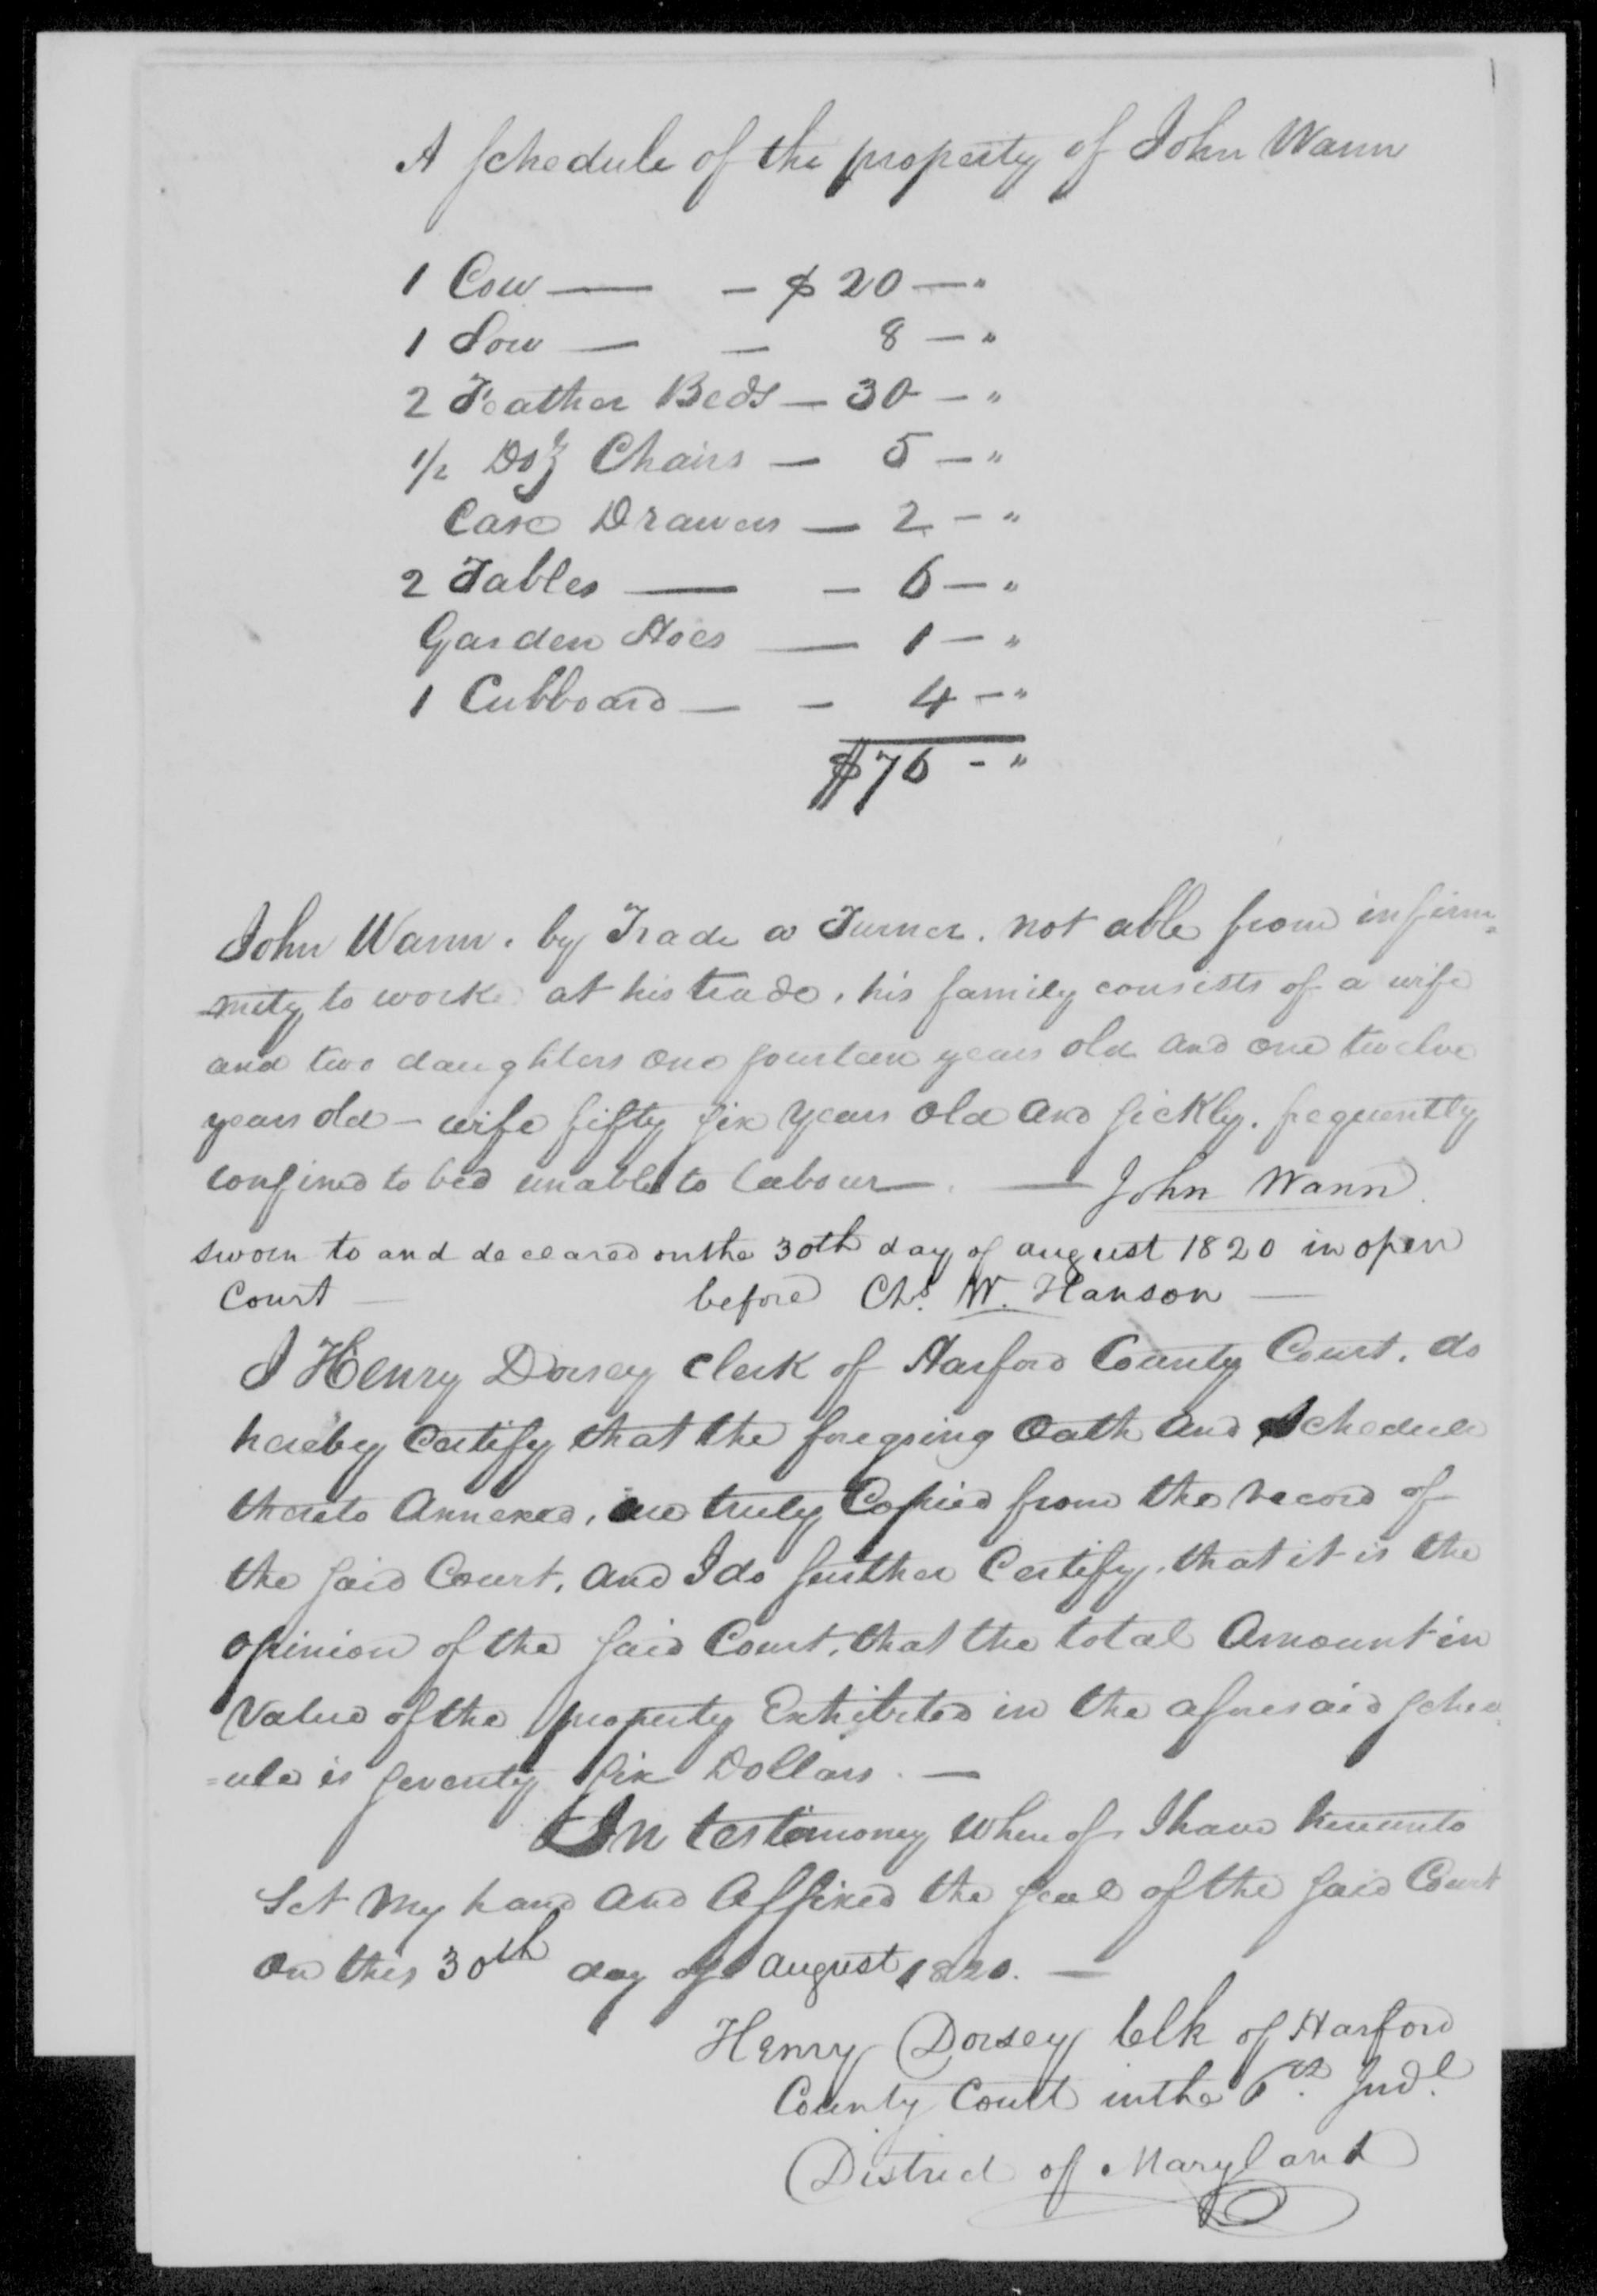A Schedule of the property of John Wann
1 Cow - - $20-"
1 Sow-- 8--"
2 Feather Beds - 30 - "
½ Doz Chairs - - - 5 "
Case Drawers-- 2 -"
2 Tables - - 6 - "
Garden Hoes-- 1 - "
1 Cubboard [cupboard] - - 4- "
$76 - "
John Wann, by Trade a Turner, not able from infirmity to work at his trade, his family consists of a wife and two daughters one fourteen years old and one twelve
years old- wife fifty six years old and sickly. frequently confined to bed unable to labour [labor] - John Wann
Sworn to and declared on the 30th day of August 1820 in open Court before Chs W. Hanson -
I Henry Dorsey Clerk of Harford County Court, do hereby certify that the foregoing oath and schedule thereto annexed, are truly copied from the record of the said Court, and I do further certify that it is the opinion of the said Court, that the total amount in value of the property Exhibited in the aforesaid schedule is Seventy Six Dollars-
In testimony whereof I have hereunto set my hand and affixed the seal of the said Court On this 30th day of August 1820. --
Henry Dorsey Clk of Harford County Court in the 6th Judl [Judicial] District of Maryland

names: John Wann, Henry Dorsey, John Wann, Chs W Hanson, Henry Dorsey, Trade A Turner, John Wann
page: 5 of 38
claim: widow's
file: W. 3899, John Wann, Penn.